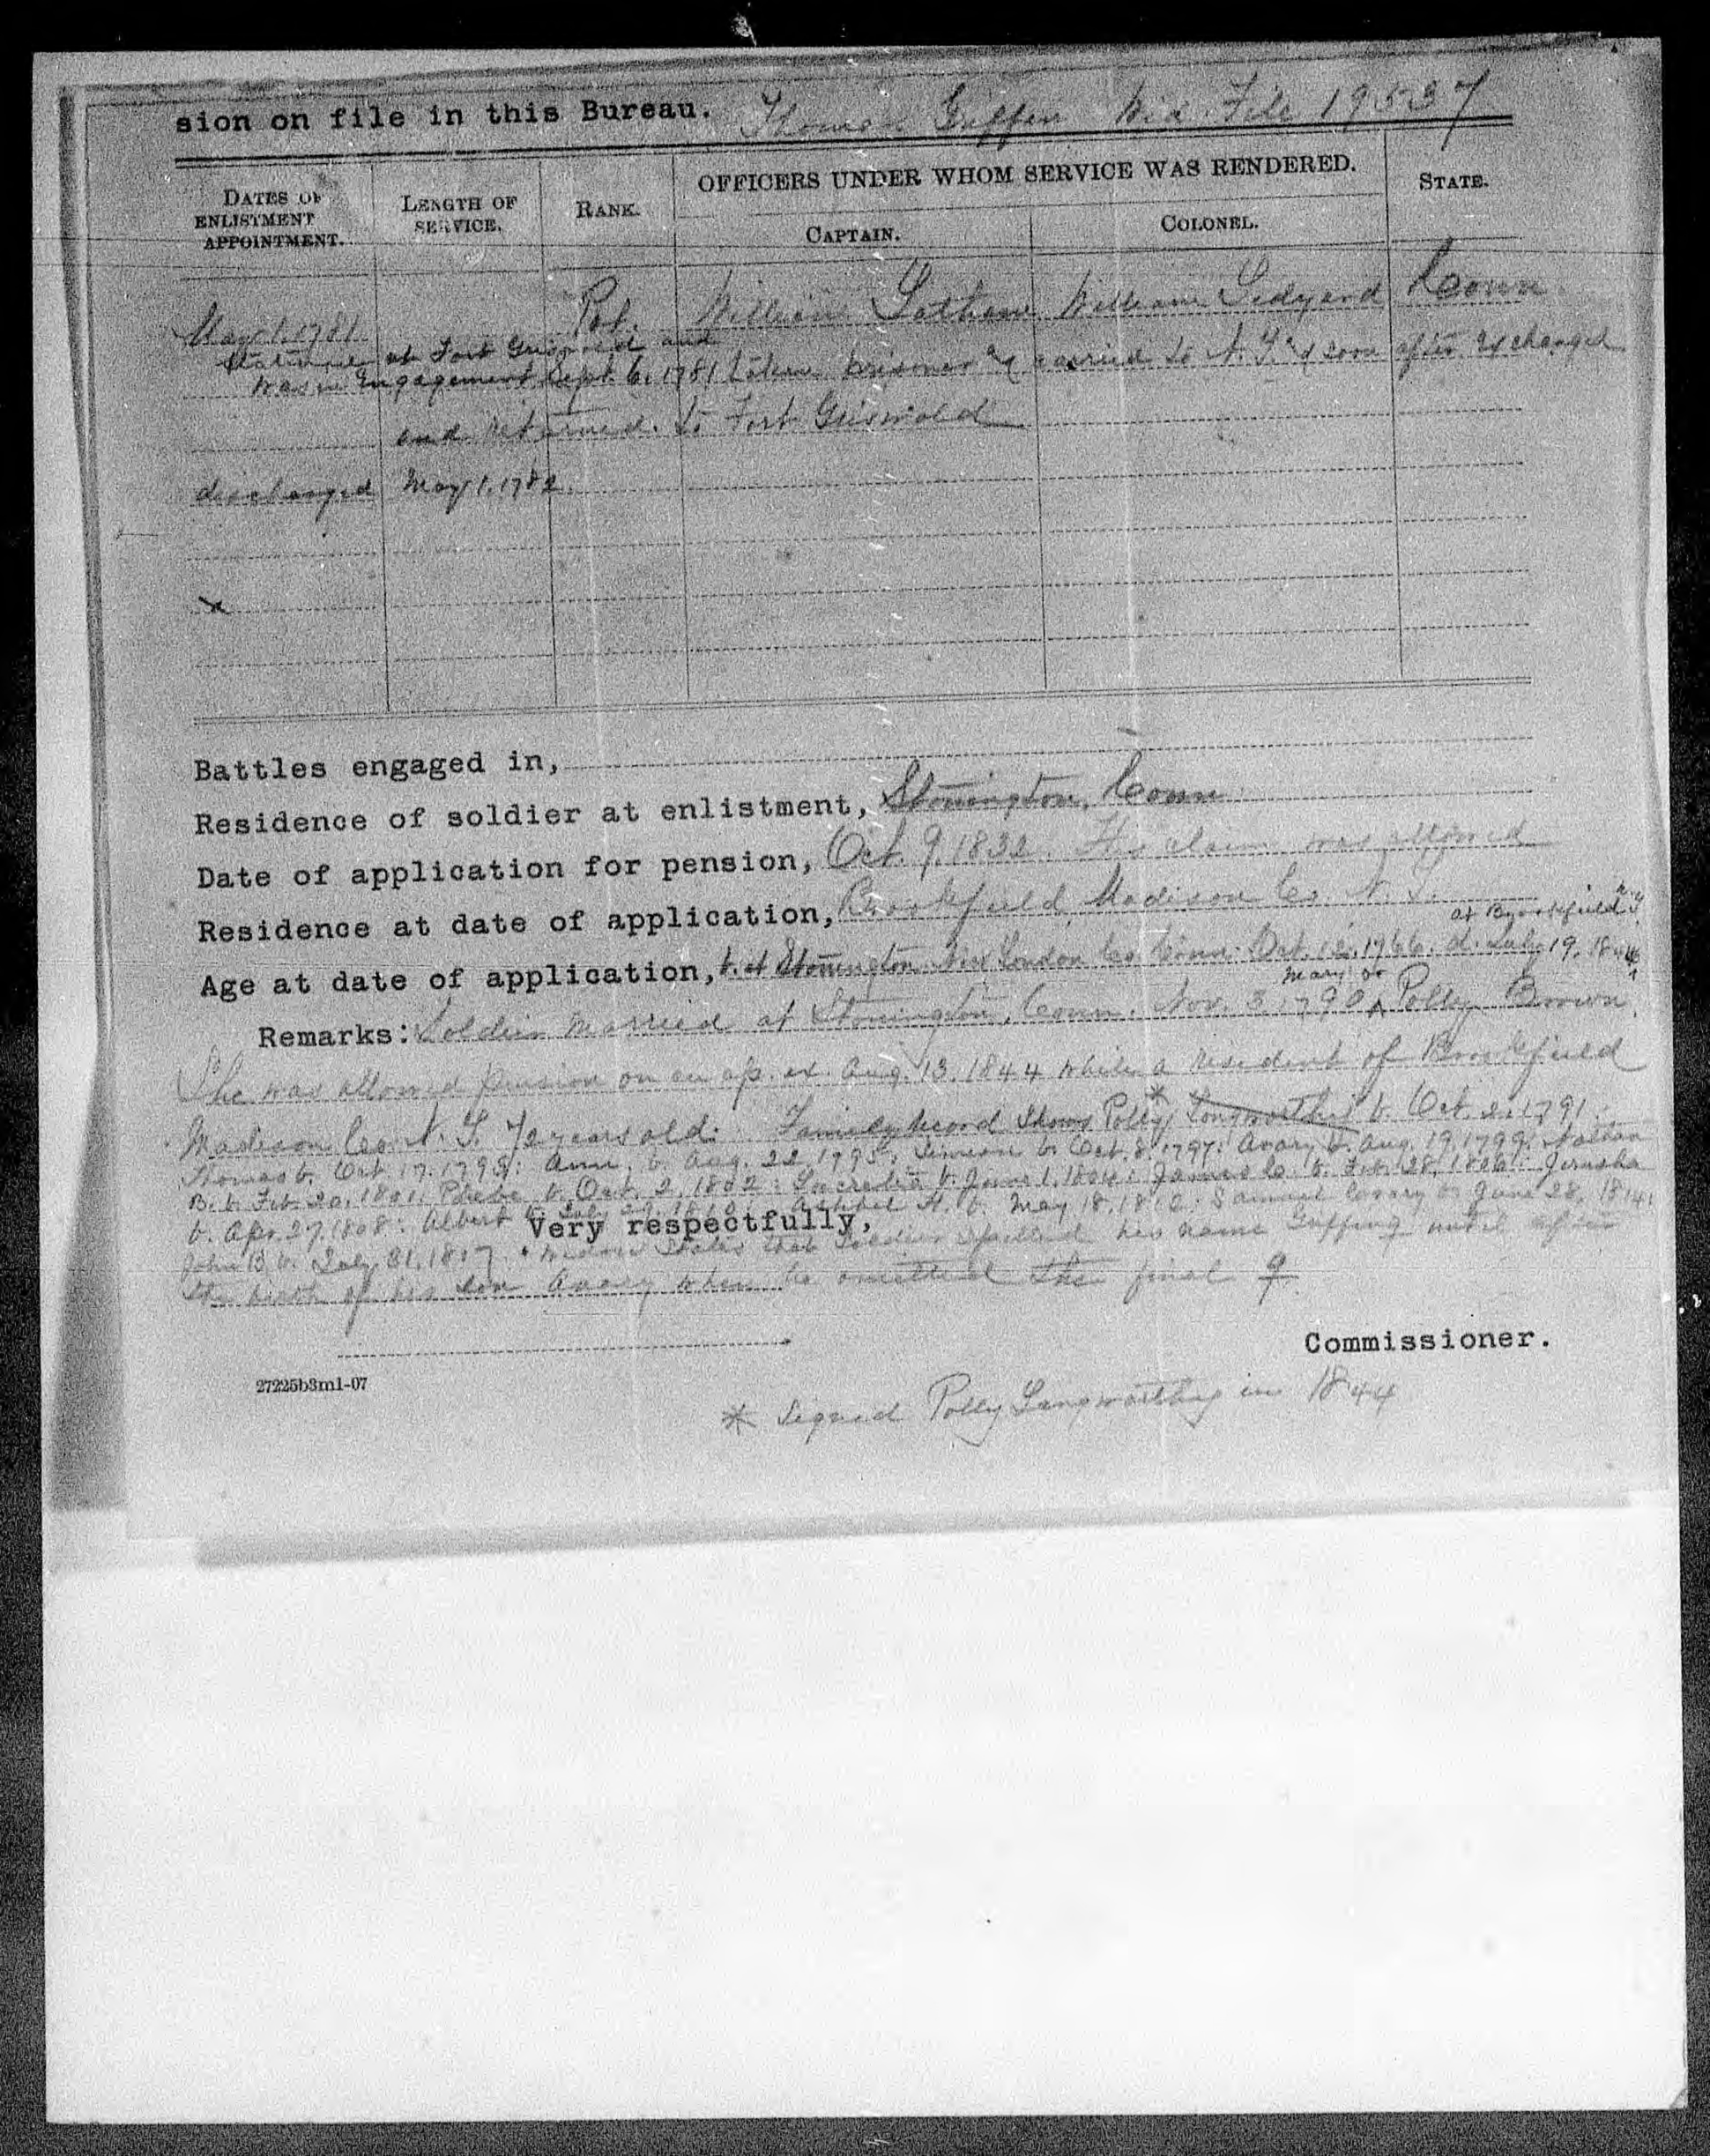[cut off]sion on file in this Bureau Thomas Griffin Wid. File 19537
[column headings]
DATES OF ENLISTMENT OR APPOINTMENT. | LENGTH OF SERVICE. | RANK. | OFFICERS UNDER WHOM SERVICE WAS RENDERED. | STATE.
Mar 1, 1781 | ~ | Private. | Captain William Latham, Colonel William Ledyard. | Conn.
Stationed at Fort Griswold and was in engagement Sept 6 1781 taken prisoner and carried to N. Y. and soon after exchanged and returned to Fort Griswold.
Discharged May 1, 1782.

Battles engaged in, _______
Residence of soldier at enlistment, Stonington, Conn.
Date of application for pension, Oct 7, 1832. His claim was allowed
Residence at date of application, Brookfield, Madison Co. N. Y.
Age at date of application, b. at Stonington New London Co Conn. Oct 12, 1766. d. at Brookfield N. Y. July 19, 1844
Remarks: Soldier married at Stonington Conn. Nov 3, 1790 Mary or Polly Brown. She was allowed pension on an ap. ex. Aug 13, 1844 while a resident of Brookfield, Madison Co, N.Y. 72 years old. Family record shows *Polly Langworthy b. Oct in 1791, Thomas b. Oct 17, 1793; Ann b. Aug 22, 1795; Simeon b. Oct 8, 1797; Avary b. Aug 19, 1799; Nathan b. Feb 20, 1801; Phebe b. Oct 2, 1803; Lucretia b. June 1, 1804; James C b. Feb 28, 1806; Jerusha b. Apr 27, 1808; Albert b. July [?] 1810; Ashbel H. b. May 18, 1812; Samuel Crary b. June 28, 1814; John B. b. July 31, 1817. Widow states that soldier spelled his name Griffing until after the birth of his son Avery when he omitted the final G.
*signed Polly Langworthy in 1844

Commissioner.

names: Avery, Thomas B, Simeon, Polly Brown, Jerusha, William Ledyard, Phebe, Polly Langworthy, Polly Longworthy, Thomas Griffin, William Latham, Nathan, Mary, Lucretia, Albert, Mary, Samuel, Ann, James, Ashbel, John B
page: 49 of 60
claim: widow's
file: W. 19,537, Thomas Griffin, Conn.